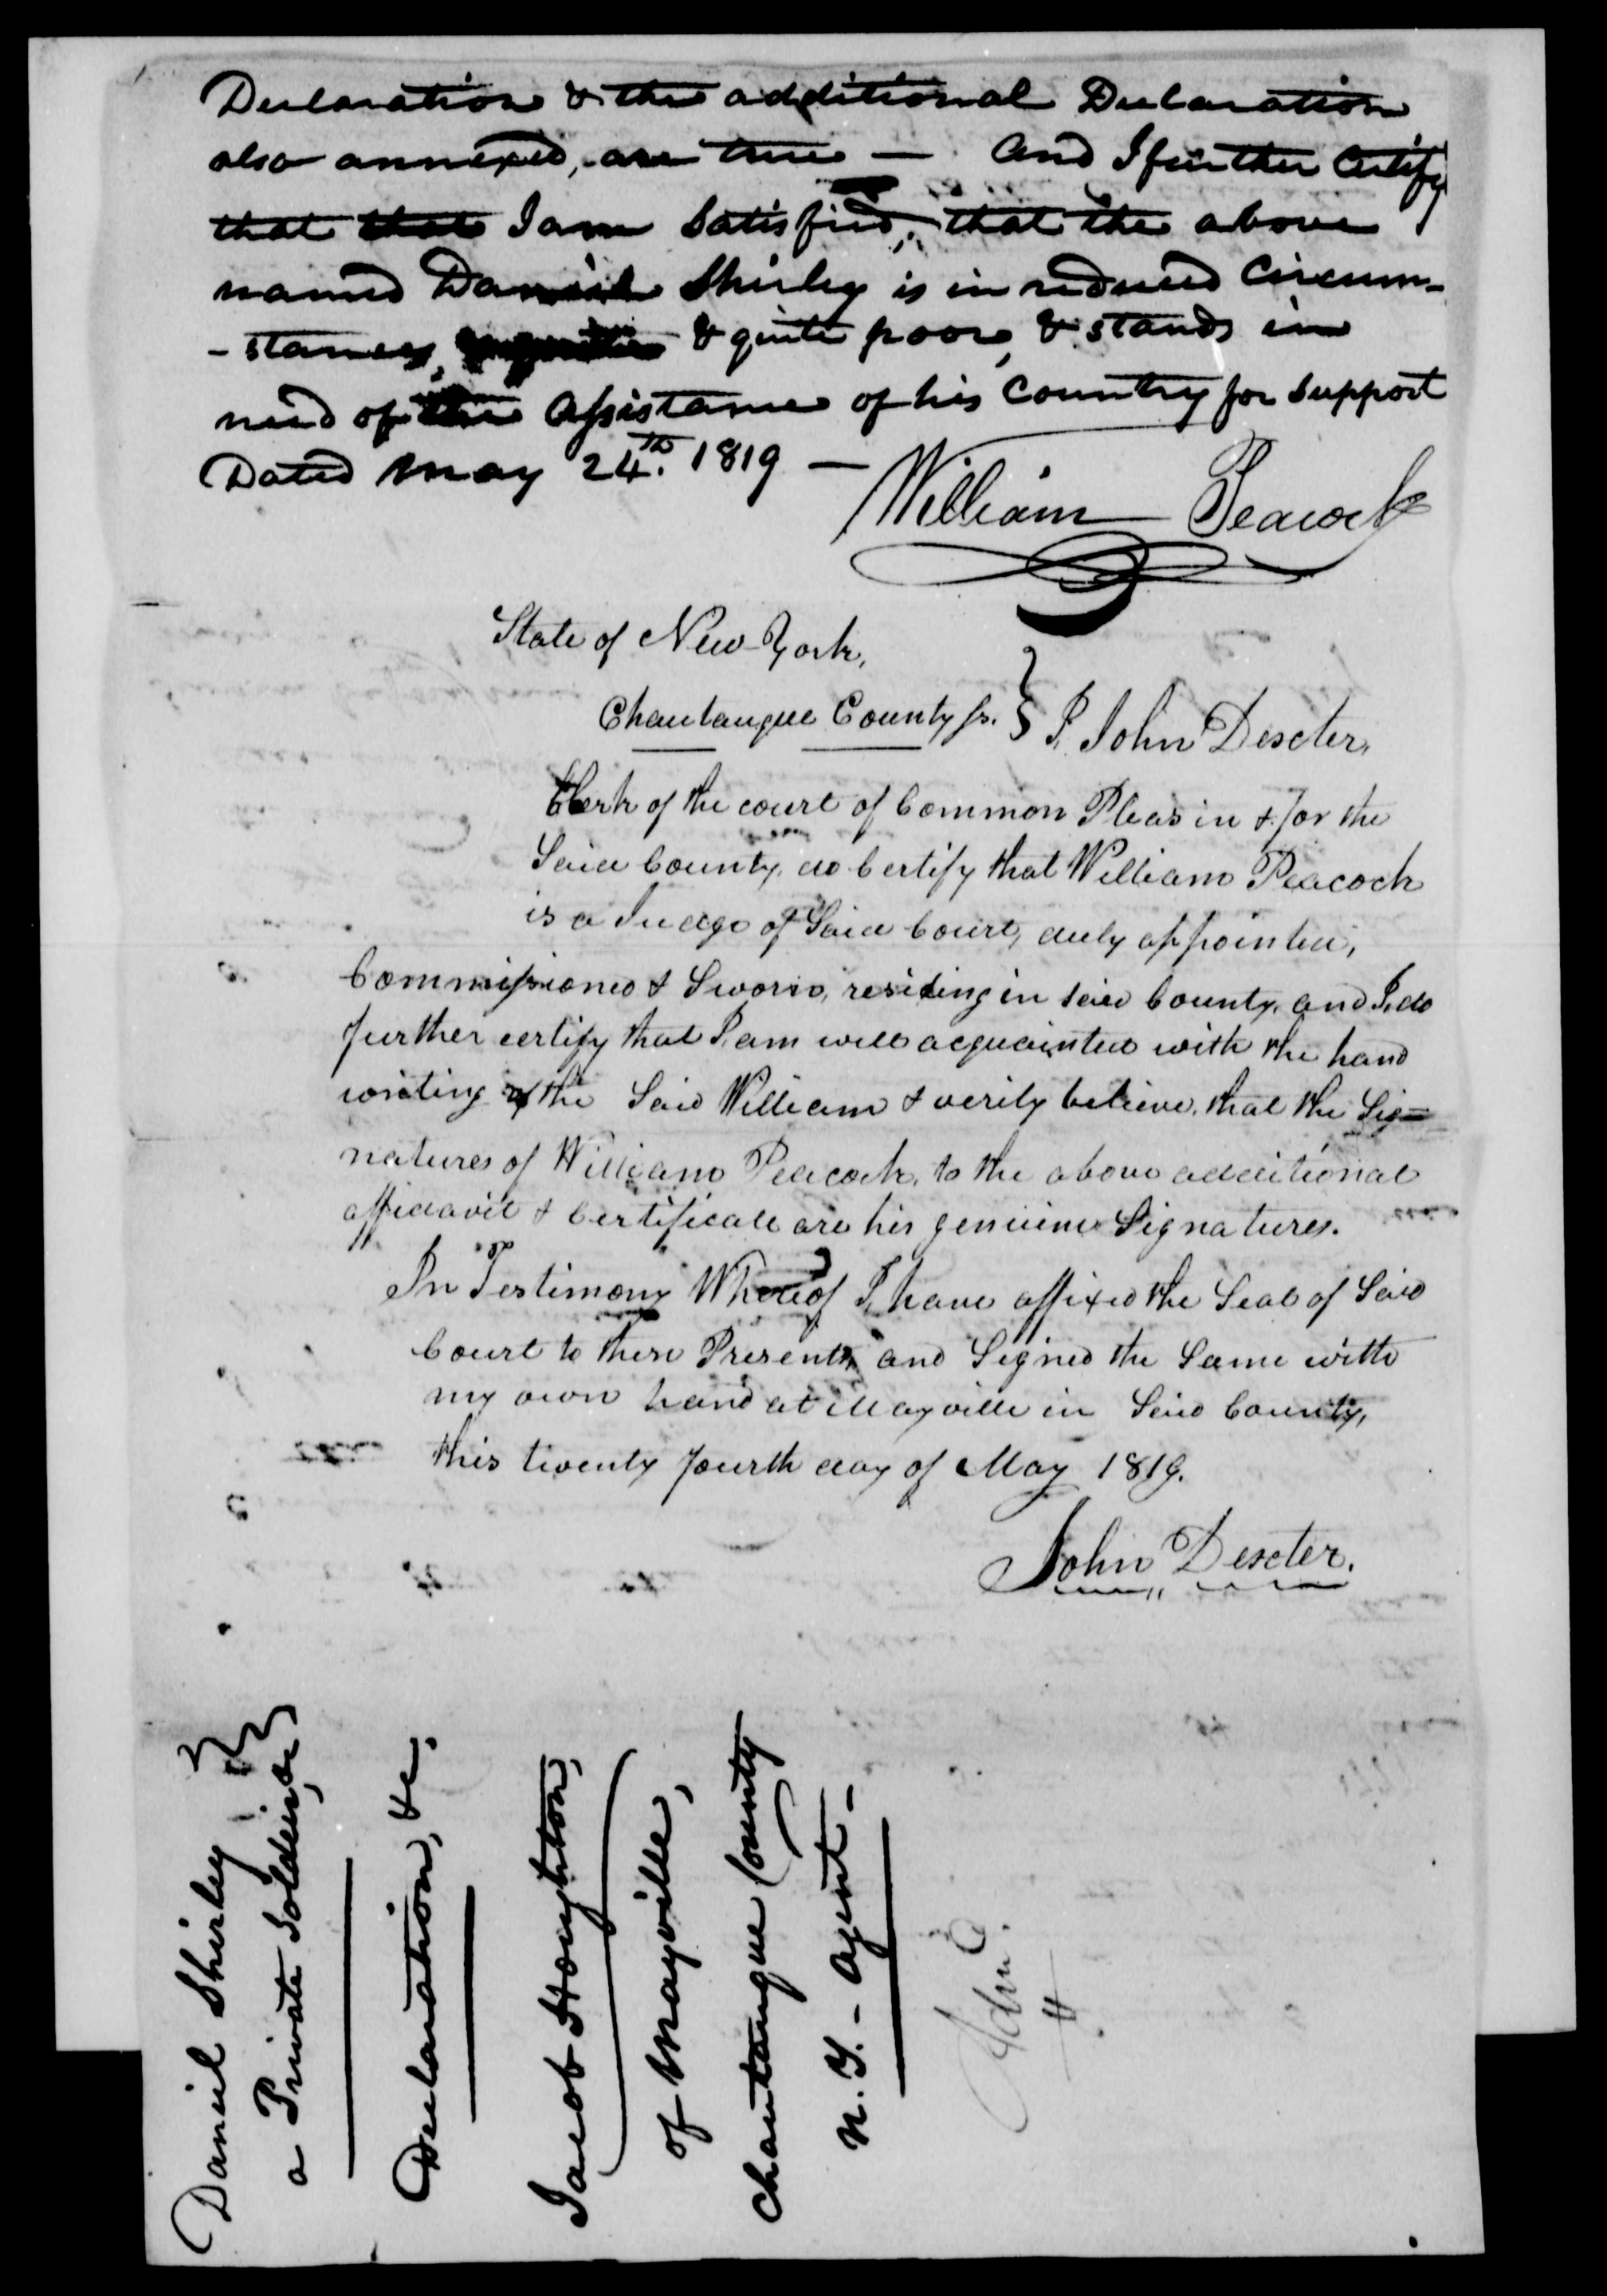Declaration & this additional Declaration also annexed are true--And I further certify that [second "that" stricken out] I am Satisfied that the above named Daniel Shirley is in reduced circumstances [illegible stricken out] & quite poor & stands in need of the afsistance of his country for support
Dated May 24th 1819--
William Peacock

State of New York            )
Chautauqua County  fs.   )

I John Dexter, Clerk of the court of Common Pleas in & for the Said County do Certify that William Peacock is a Judge of Said Court duly appointed, Commifsioned & Sworn, residing in Said County and I do further certify that I am well acquainted with the hand writing of the Said William & verily believe that the Signatures of William Peacock to the above additional affidavit & certificate are his genuine Signatures.

In Testimony Whereof I have affixed the Seal of Said Court to these Presents and Signed the Same with my own hand at Mayville in Said County this twenty fourth day of May 1819.
John Dexter.

[written vertically]
Daniel Shirley
a Private Soldier, &c
______________________________
Declaration, &c.
______________________________
Jacob Houghton,
______________________________
of Mayville,
Chautauqua County
N.Y.--Agent--
______________________________
Adm'd.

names: John Dexter; William Peacock; Daniel Shirley; John Dexter; Daniel Shirley; William Peacock; Jacob Houghton; William Peacock; William [BLANK]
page: 9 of 20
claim: survivor's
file: S. 40412, for Daniel Shirley, New Hampshire